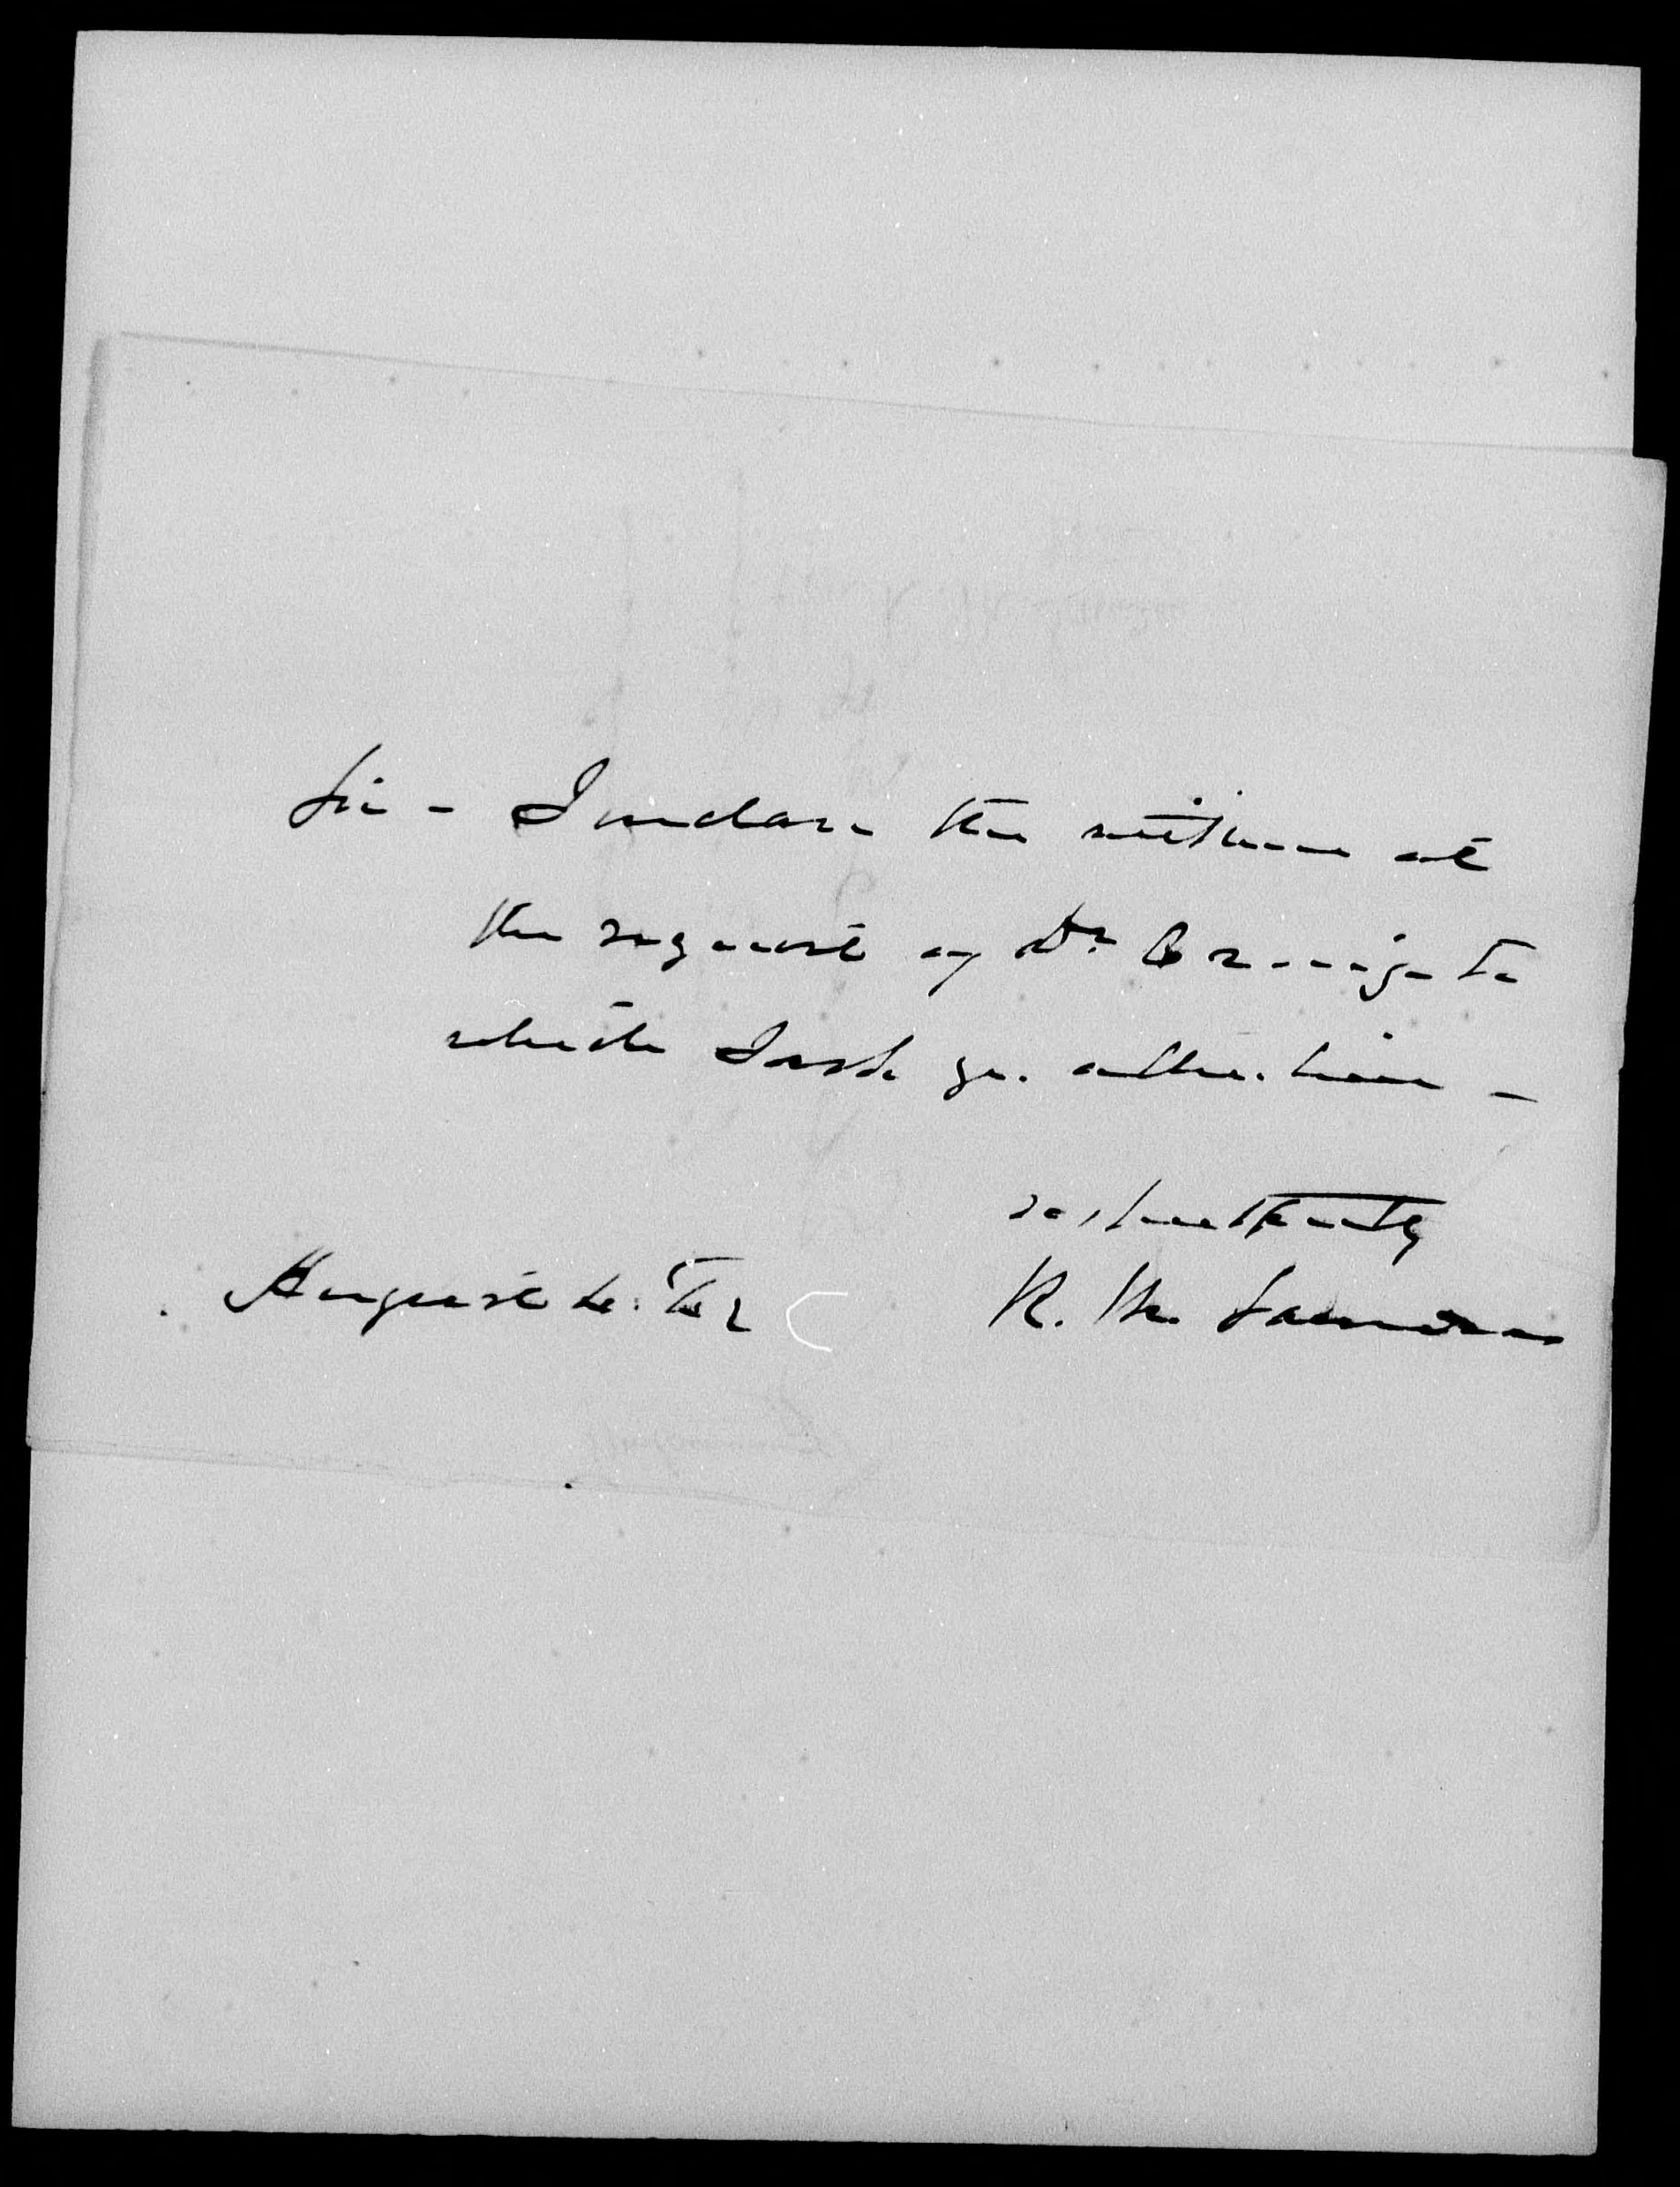[Handwritten record]

Sir - I enclose the within at the request of Dr. [?] Cr ---j-te which I ask [?] yu. as the. [?]heir- 
[Elsewhere in this pension application set, such as in image 28/145] documents show the Doctor's surname was Craig, as in James A Craig.] 

August 4: [illegible]  

respectfully
R. W. [or M.] Saunders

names: R M Saunders, Craig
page: 22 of 145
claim: survivor's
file: S. 8265, William Cumming, N.C.